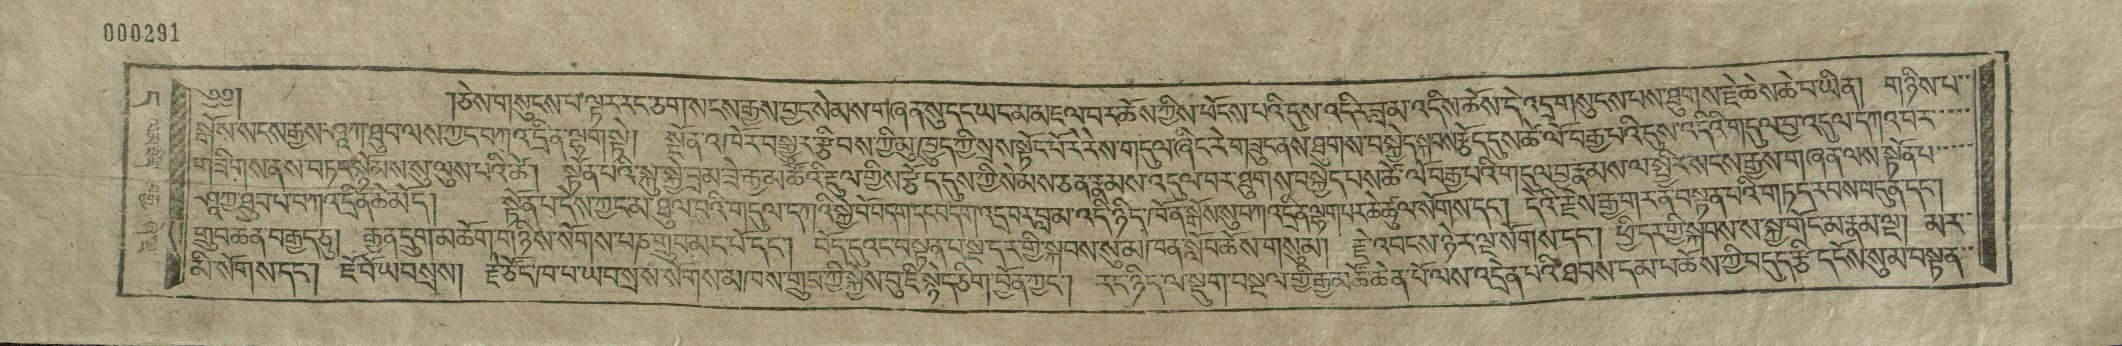༄༅། །ཅེས་གསུངས་པ་ལྟར་རང་ཅག་སངས་རྒྱས་བྱང་སེམས་གཞན་སུ་དང་ཡང་མ་མཇལ་བར་ཆོས་ཀྱིས་ཕོངས་པའི་དུས་འདིར་བླ་མ་འདིས་ཆོས་དེ་འདྲ་གསུངས་པས་ཐུགས་རྗེ་ཆེས་ཆེ་བ་ཡིན། གཉིས་པ་
སྒོས་སངས་རྒྱས་ཤཱཀ་ཐུབ་ལས་ཀྱང་བཀའ་དྲིན་ལྷག་སྟེ། སྔོན་འཁོར་བསྒྱུར་རྩི་བས་ཀྱི་མུ་ཁྱུད་ཀྱི་སྲས་སྟོང་པོ་རེ་རེས་གདུལ་ཞིང་རེ་གཟུང་ནས་ཐུགས་བསྐྱེད་སྐབས་རྩོད་དུས་ཚེ་ལོ་བརྒྱ་པའི་དུས་འདིའི་གདུལ་བྱ་འདུལ་དཀའ་བར་
གཟིགས་ནས་བཏང་སྙོམས་སུ་ལུས་པའི་ཚེ། སྟོན་པའི་སྐུ་སྐྱེ་བྲམ་ཟེ་རྒྱ་མཚོའི་རྡུལ་གྱིས་རྩོད་དུས་ཀྱི་སེམས་ཅན་རྣམས་འདུལ་བར་ཐུགས་བསྐྱེད་པས་ཚེ་ལོ་བརྒྱ་པའི་གདུལ་བྱ་རྣམས་ལ་སྤྱིར་སངས་རྒྱས་གཞན་ལས་སྟོན་པ་
ཤཱཀྱ་ཐུབ་པ་བཀའ་དྲིན་ཆེ་མོད། སྟོན་པ་དེས་ཀྱང་མ་ཐུལ་བའི་གདུལ་དཀའི་སྐྱེ་བོ་བདག་དང་བདག་འདྲ་བར་བླ་མ་འདི་ཉིད་ཁོ་ན་སྒོས་སུ་བཀའ་དྲིན་ལྷག་པར་ཆེ་ཚུལ་སོགས་དང་། དེའི་རྗེས་རྒྱ་གར་ན་བསྟན་པའི་གཏད་རབས་བདུན་དང་།
གྲུབ་ཆེན་བརྒྱད་ཅུ། རྒྱན་དྲུག་མཆོག་གཉིས་སོགས་པཎ་གྲུབ་མང་པོ་དང་། བོད་དུའང་བསྟན་པ་སྔ་དར་གྱི་སྐབས་སུ་མཁན་སློབ་ཆོས་གསུམ། རྗེ་འབངས་ཉེར་ལྔ་སོགས་དང་། ཕྱི་དར་གྱི་སྐབས་ས་སྐྱ་གོང་མ་རྣམ་ལྔ། མར་
མི་སོགས་དང་། ཇོ་བོ་ཡབ་སྲས། རྗེ་ཙོང་ཁ་པ་ཡབ་སྲས་སོགས་མཁས་གྲུབ་ཀྱི་སྐྱེས་བུ་ཇི་སྙེད་ཅིག་བྱོན་ཀྱང་། རང་ཉིད་ལ་སྡུག་བསྔལ་གྱི་རྒྱ་མཚོ་ཆེན་པོ་ལས་འདྲེན་པའི་ཐབས་དམ་པ་ཆོས་ཀྱི་བདུད་རྩི་དངོས་སུ་མ་བསྟན་